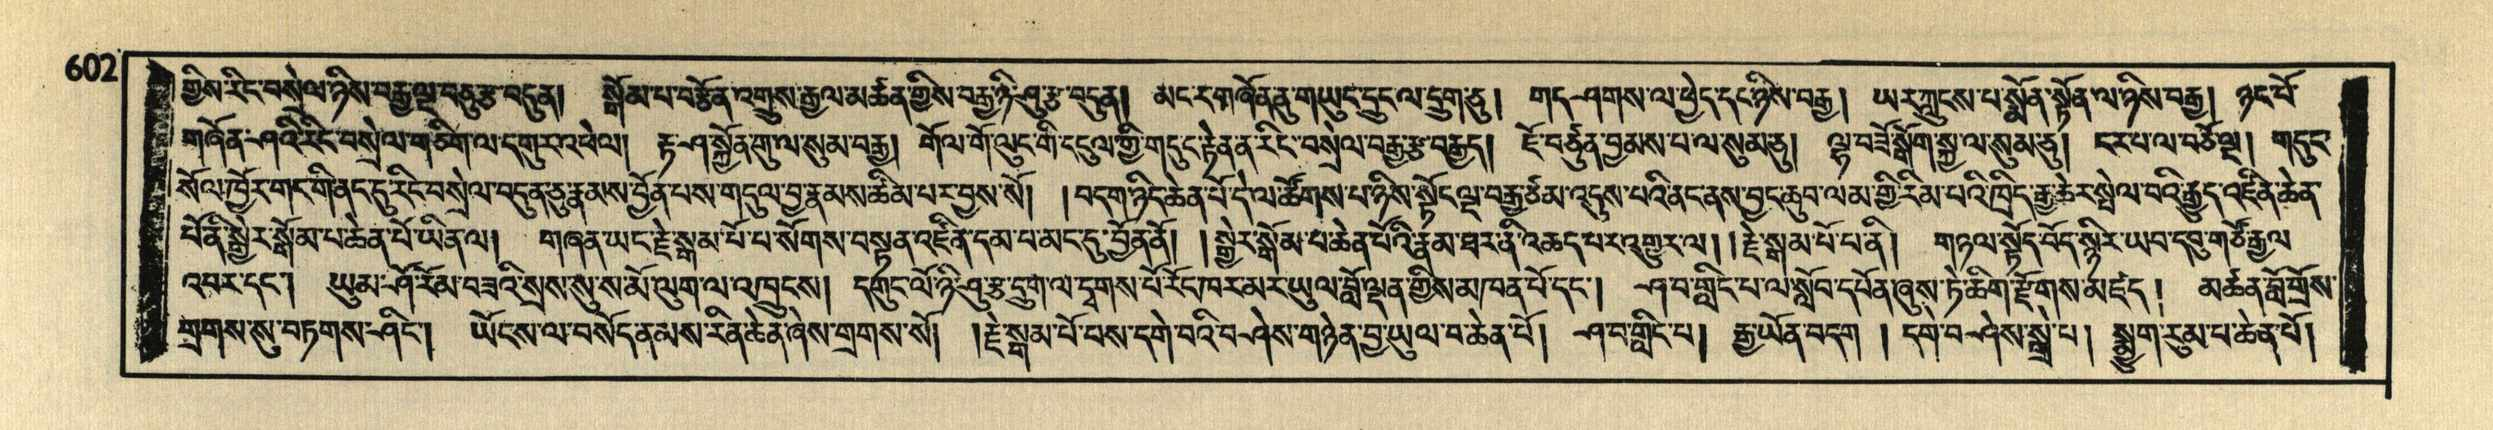གྱིས་རིང་བསྲེལ་ཉིས་བརྒྱ་ལྔ་བཅུ་རྩ་བདུན། སྒོམ་པ་བརྩོན་འགྲུས་རྒྱལ་མཚན་གྱིས་བརྒྱ་ཉི་ཤུ་རྩ་བདུན། མང་ར་གཞོན་ནུ་གཡུང་དྲུང་ལ་དྲུག་ཅུ། གད་ཤགས་ལ་ཕྱེད་དང་ཉིས་བརྒྱ། ཡར་ཀླུངས་པ་སྨོན་སྟོན་ལ་ཉིས་བརྒྱ། ཉང་པོ་
གཞོན་ཤའི་རིང་བསྲེལ་གཅིག་ལ་དགུར་འཕེལ། རྟ་ཤ་སྐྱོན་གུ་ལ་སུམ་བརྒྱ། གོལ་གོ་ལུང་གི་དངུལ་གྱི་གདུང་རྟེན་ན་རིང་བསྲེལ་བརྒྱ་རྩ་བརྒྱད། ཇོ་བཙུན་བྱམས་པ་ལ་སུམ་ཅུ། ལྷ་བཟོ་སྒོག་སྐྱ་ལ་སུམ་ཅུ། ངར་པ་ལ་བཅོ་ལྔ། གདུང་
སོལ་ཁྱོར་གང་གི་ནང་དུ་རིང་བསྲེལ་བདུན་ཅུ་རྣམས་བྱོན་པས་གདུལ་བྱ་རྣམས་ཚིམ་པར་བྱས་སོ། །བདག་ཉིད་ཆེན་པོ་དེ་ལ་ཚོགས་པ་ཉིས་སྟོང་ལྔ་བརྒྱ་ཙམ་འདུས་པའི་ནང་ནས་བྱང་ཆུབ་ལམ་གྱི་རིམ་པའི་ཁྲིད་རྒྱ་ཆེར་སྤེལ་བའི་རྒྱུད་འཛིན་ཆེན་
པོ་ནི་སྒྱེར་སྒོམ་པ་ཆེན་པོ་ཡིན་ལ། གཞན་ཡང་རྗེ་སྒམ་པོ་པ་སོགས་བསྟན་འཛིན་དམ་པ་མང་དུ་བྱོན་ནོ། །སྒྱེར་སྒོམ་པ་ཆེན་པོའི་རྣམ་ཐར་ནི་འཆད་པར་འགྱུར་ལ། །རྗེ་སྒམ་པོ་པ་ནི། གཉལ་སྟོད་བོད་སྙིར་ཡབ་དབུ་གཙོ་རྒྱལ་
འབར་དང་། ཡུམ་ཤོ་རོམ་བཟའི་སྲས་སུ་ས་མོ་ལུག་ལ་འཁྲུངས། དགུང་ལོ་ཉི་ཤུ་རྩ་དྲུག་ལ་དྭགས་པོ་རོང་ཁར་མར་ཡུལ་བློ་ལྡན་གྱིས་མཁན་པོ་དང་། ཤ་བ་གླིང་པ་ལ་སློབ་དཔོན་ཞུས་ཏེ་ཆིག་རྫོགས་མཛད། མཚན་བློ་གྲོས་
གྲགས་སུ་བཏགས་ཤིང་། ཡོངས་ལ་བསོད་ནམས་རིན་ཆེན་ཞེས་གྲགས་སོ། །རྗེ་སྒམ་པོ་པས་དགེ་བའི་བཤེས་གཉེན་བྱ་ཡུལ་བ་ཆེན་པོ། ཤ་བ་གླིང་པ། རྒྱ་ཡོན་བདག །དགེ་བཤེས་སྒྲེ་པ། སྨྱུག་རུམ་པ་ཆེན་པོ།